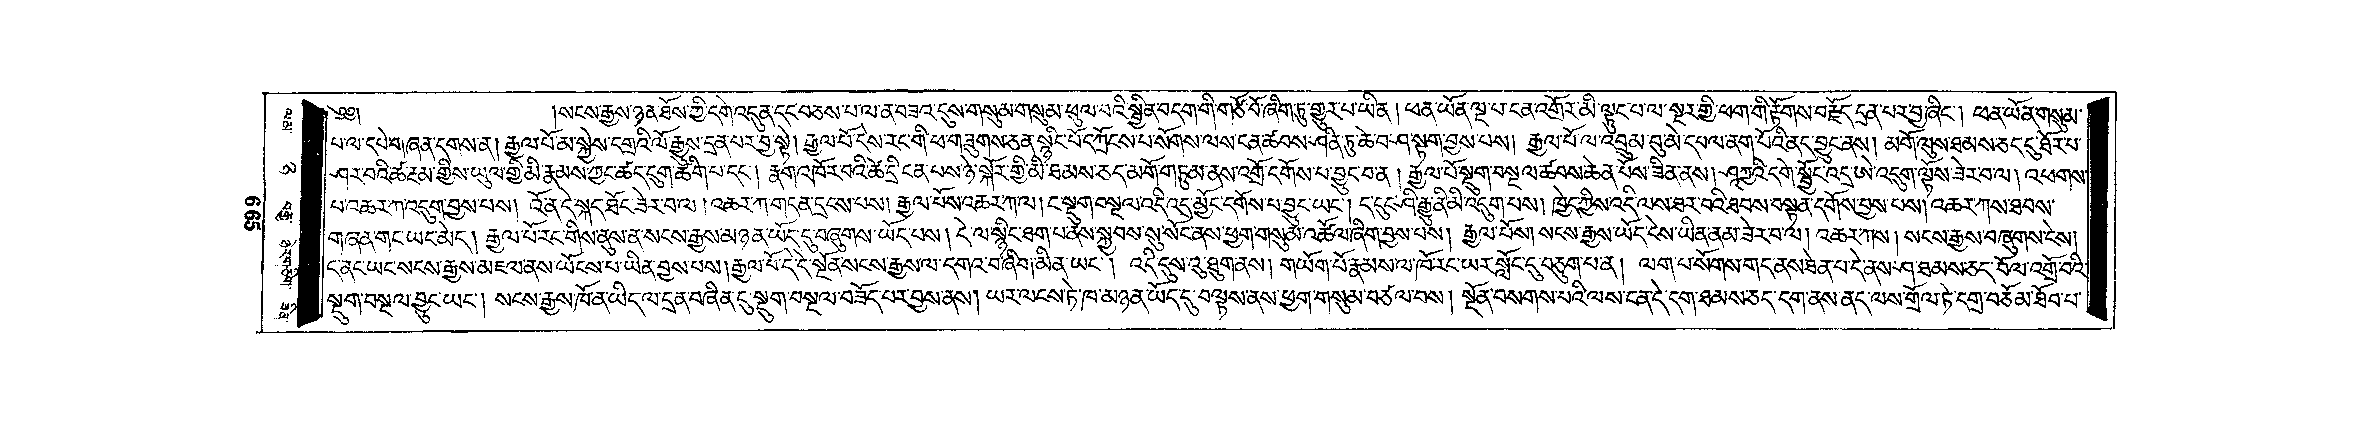༄༅། །སངས་རྒྱས་ཉན་ཐོས་ཀྱི་དགེ་འདུན་དང་བཅས་པ་ལ་ན་བཟའ་དུས་གསུམ་གསུམ་ཕུལ་བའི་སྦྱིན་བདག་གི་གཙོ་བོ་ཞིག་ཏུ་གྱུར་པ་ཡིན། ཕན་ཡོན་ལྔ་པ་ངན་འགྲོར་མི་ལྟུང་པ་ལ་སྔར་གྱི་ཕག་གི་རྟོགས་བརྗོད་དྲན་པར་བྱ་ཞིང་། ཕན་ཡོན་གསུམ་
པ་ལ་དཔེ་གཞན་དགས་ན། རྒྱལ་པོ་མ་སྐྱེས་དགྲའི་ལོ་རྒྱུས་དྲན་པར་བྱ་སྟེ། རྒྱལ་པོ་དེས་རང་གི་ཕ་གཟུགས་ཅན་སྙིང་པོ་དཀྲོངས་པ་སོགས་ལས་ངན་ཚབས་ཤིན་ཏུ་ཆེ་བ་ཤ་སྟག་བྱས་པས། རྒྱལ་པོ་ལ་འབྲུམ་བུ་མེ་དཔལ་ནག་པོའི་ནད་བྱུང་ནས། མགོ་ལུས་ཐམས་ཅད་དུ་ཐོར་པ་
ཤར་བའི་ཚ་རྔམ་གྱིས་ཡུལ་གྱི་མི་རྣམས་ཀྱང་ཚད་དུག་ཚིག་པ་དང་། རྣག་འཁོར་བའི་ཚེ་དྲི་ངན་པས་ཉེ་སྐོར་གྱི་མི་ཐམས་ཅད་མགོ་གཏུམ་ནས་འགྲོ་དགོས་པ་བྱུང་བ་ན། རྒྱལ་པོ་སྡུག་བསྔལ་ཚབས་ཆེན་པོས་ཟིན་ནས། ཤཱཀྱའི་དགེ་སྦྱོང་འདྲ་ཨེ་འདུག་ལྟོས་ཟེར་བ་ལ། འཕགས་
པ་འཆར་ཀ་འདུག་བྱས་པས། འོ་ན་དེ་སྐད་ཐོང་ཟེར་བ་ལ། འཆར་ཀ་གདན་དྲངས་པས། རྒྱལ་པོས་འཆར་ཀ་ལ། ང་སྡུག་བསྔལ་འདི་འདྲ་མྱོང་དགོས་པ་བྱུང་ཡང་། ད་དུང་ཤི་རྒྱུ་ནི་མི་འདུག་པས། ཁྱེད་ཀྱིས་འདི་ལས་ཐར་བའི་ཐབས་བསྟན་དགོས་བྱས་པས། འཆར་ཀས་ཐབས་
གཞན་གང་ཡང་མེད། རྒྱལ་པོ་རང་གིས་ནུས་ན་སངས་རྒྱས་མཉན་ཡོད་དུ་བཞུགས་ཡོད་པས། དེ་ལ་སྙིང་ཐག་པ་ནས་སྐྱབས་སུ་སོང་ནས་ཕྱག་གསུམ་འཚོལ་ཞིག་བྱས་པས། རྒྱལ་པོས། སངས་རྒྱས་ཡོད་ངེས་ཡིན་ནམ་ཟེར་བ་ལ། འཆར་ཀས། སངས་རྒྱས་བཞུགས་ངེས།
ད་ནང་ཡང་སངས་རྒྱས་མཇལ་ནས་ཡོངས་པ་ཡིན་བྱས་པས། རྒྱལ་པོ་དེ་དེ་སྔོན་སངས་རྒྱས་ལ་དགའ་བ་ཞིག་མིན་ཡང་། འདི་དུས་འུ་ཐུག་ནས། གཡོག་པོ་རྣམས་ལ་ཁོ་རང་ཡར་སློང་དུ་བཅུག་པ་ན། ལག་པ་སོགས་གད་ནས་ཐེན་པ་དེ་ནས་ཤ་ཐམས་ཅད་བོལ་འགྲོ་བའི་
སྡུག་བསྔལ་བྱུང་ཡང་། སངས་རྒྱས་ཁོ་ན་ཡིད་ལ་དྲན་བཞིན་དུ་སྡུག་བསྔལ་བཟོད་པར་བྱས་ནས། ཡར་ལངས་ཏེ་ཁ་མཉན་ཡོད་དུ་བལྟས་ནས་ཕྱག་གསུམ་བཙལ་བས། སྔོན་བསགས་པའི་ལས་ངན་དེ་དག་ཐམས་ཅད་དག་ནས་ནད་ལས་གྲོལ་ཏེ་དགྲ་བཅོམ་ཐོབ་པ་